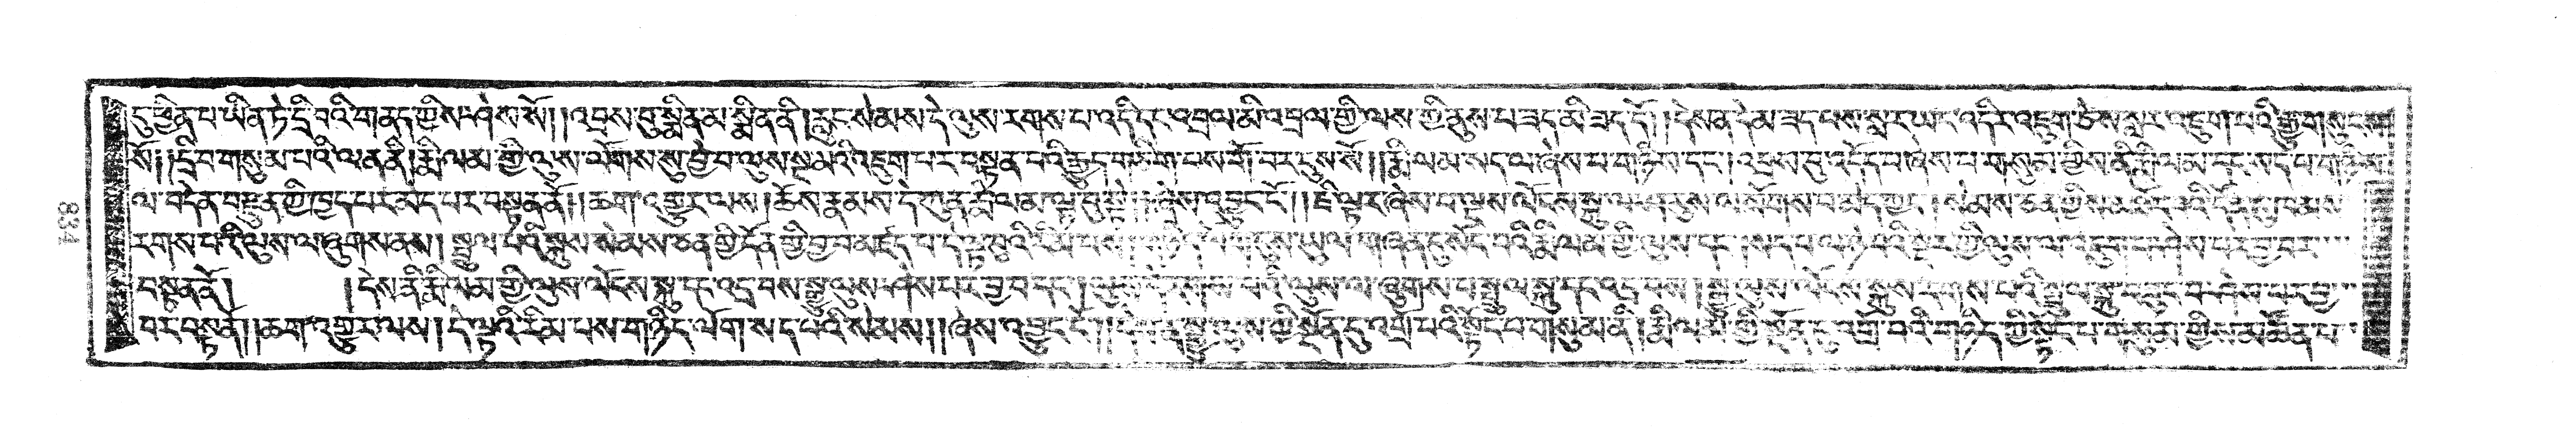དུ་ཕྱིན་པ་ཡིན་ཏེ་དྲི་བའི་གནད་ཀྱིས་ཤེས་སོ། །འབྲས་བུ་སྨིན་མ་སྨིན་ནི། རླུང་སེམས་དེ་ལུས་རགས་པ་འདི་དང་འབྲལ་མི་འབྲལ་གྱི་ལས་ཀྱི་ནུས་པ་ཟད་མི་ཟད་དོ། །དེས་ན་དེ་མ་ཟད་པས་སླར་ཡང་འདིར་འཇུག་ཅེས་སླར་འཇུག་པའི་རྒྱུ་གསུངས་
སོ། །དྲི་བ་གསུམ་པའི་ལན་ནི། རྨི་ལམ་གྱི་ལུས་ལོགས་སུ་བྱེ་བ་ལུས་སྔ་མའི་འཇུག་པར་བསྟན་པའི་རྒྱུད་གཅིག་པས་གོ་བར་དུས་སོ། །རྨི་ལམ་སད་ལ་ཞེས་པ་གཉིས་དང་། འབྲས་བུ་འདོད་པ་ཞེས་པ་གསུམ་གྱིས་ནི་རྨི་ལམ་དང་སད་པ་གཉིས་
ལ་བདེན་བརྫུན་གྱི་ཁྱད་པར་མེད་པར་བསྟན་ནོ། །ཆག་འགྱུར་ལས། ཆོས་རྣམས་དེ་ཀུན་རྨི་ལམ་ལྟ་བུ་སྟེ། །ཞེས་འབྱུང་ངོ། །ཇི་ལྟར་ཞེས་པ་ལྔས་ལོངས་སྐུ་ལ་ཤ་རུས་ལ་སོགས་པ་མེད་ཀྱང་། སེམས་ཅན་གྱིས་མཐོང་བའི་དོན་དུ་ཁམས་
རགས་པའི་ལུས་ལ་ཞུགས་ནས། སྤྲུལ་པའི་སྐུས་སེམས་ཅན་གྱི་དོན་གྱི་བྱ་བ་མཛད་པ་དེ་ལྟ་བུའི་རིམ་པས། གཉིད་ལོག་དུས་ཡུལ་གཞན་དུ་སོང་བའི་རྨི་ལམ་གྱི་ལུས་དང་། སད་པ་ལ་ཉེ་བའི་སྔར་གྱི་ལུས་ལ་འཇུག་པ་ཤས་པར་བྱ་བར་
བསྟན་ནོ། །དེས་ནི་རྨི་ལམ་གྱི་ལུས་ལོངས་སྐུ་དང་འདྲ་བས་སྒྱུ་ལུས་ཤེས་པར་བྱ་བ་དང་། ལུས་དེ་རགས་པའི་ལུས་ལ་ཞུགས་པ་སྤྲུལ་སྐུ་དང་འདྲ་བས། སྒྱུ་ལུས་ལོངས་སྐུས་རགས་པའི་སྤྲུལ་སྐུ་བཟུང་བ་ཤེས་པར་བྱ་
བར་བསྟན་ནོ། །ཆག་འགྱུར་ལས། དེ་ལྟའི་རིམ་པས་གཉིད་ལོག་སད་པའི་སེམས། །ཞེས་འབྱུང་ངོ། །དེས་ན་སྒྱུ་ལུས་ཀྱི་སྔོན་དུ་འགྲོ་བའི་སྟོང་པ་གསུམ་ནི། རྨི་ལམ་གྱི་སྔོན་དུ་འགྲོ་བའི་གཉིད་ཀྱི་སྟོང་པ་གསུམ་གྱིས་མཚོན་པ་